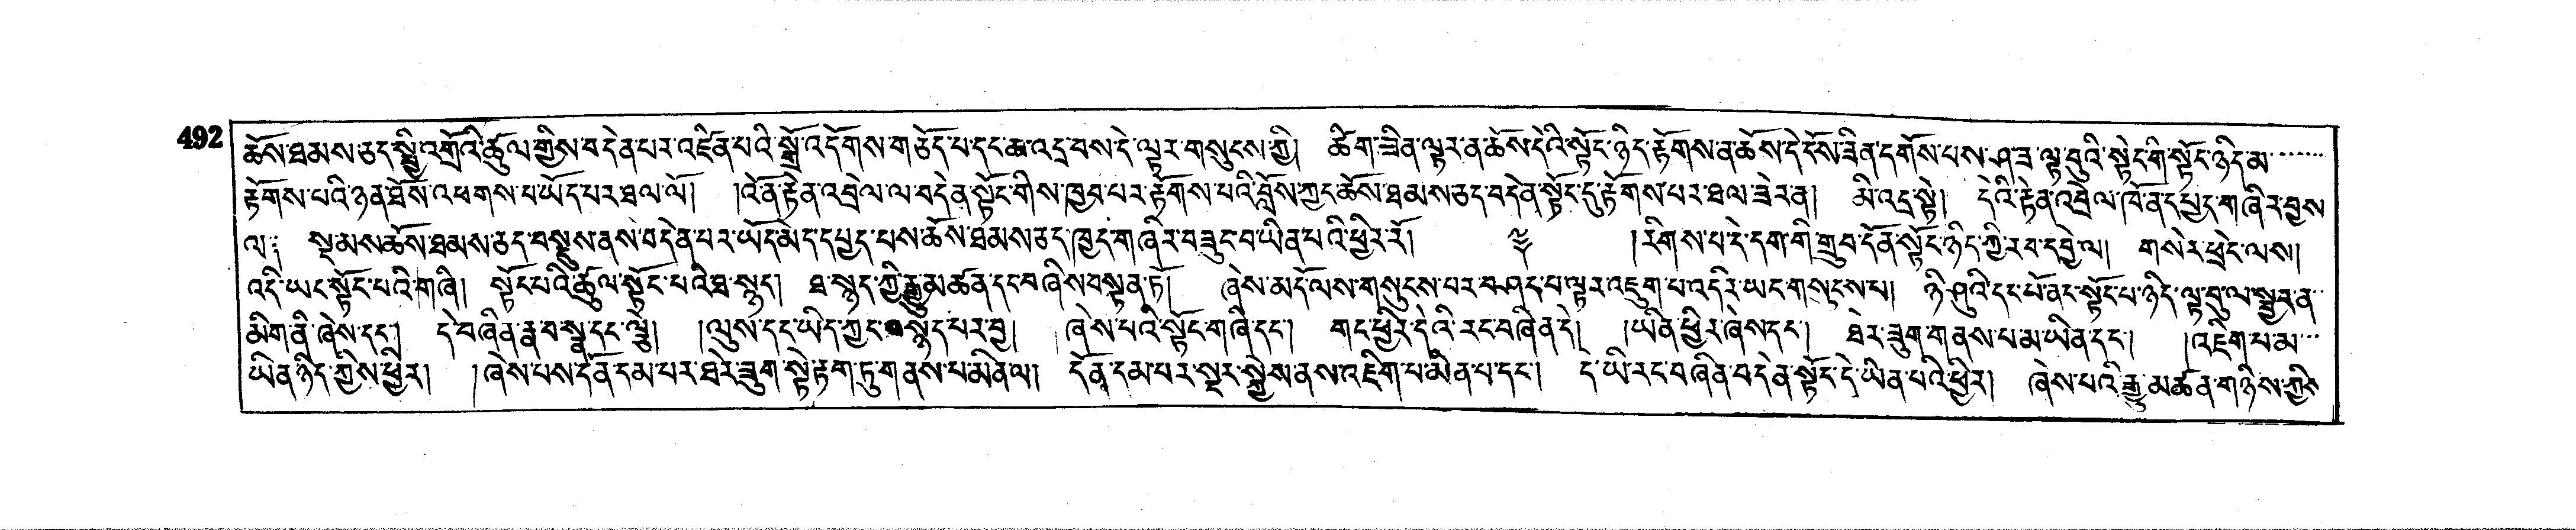ཆོས་ཐམས་ཅད་སྤྱི་འགྲོའི་ཚུལ་གྱིས་བདེན་པར་འཛིན་པའི་སྒྲོ་འདོགས་གཅོད་པ་དང་ཆ་འདྲ་བས་དེ་ལྟར་གསུངས་ཀྱི། ཚིག་ཟིན་ལྟར་ན་ཆོས་དེའི་སྟོང་ཉིད་རྟོགས་ན་ཆོས་དེ་ངོས་ཟིན་དགོས་པས་ཤ་ཟ་ལྟ་བུའི་སྟེང་གི་སྟོང་ཉིད་མ་
རྟོགས་པའི་ཉན་ཐོས་འཕགས་པ་ཡོད་པར་ཐལ་ལོ། །འོ་ན་རྟེན་འབྲེལ་ལ་བདེན་སྟོང་གིས་ཁྱབ་པར་རྟོགས་པའི་བློས་ཀྱང་ཆོས་ཐམས་ཅད་བདེན་སྟོང་དུ་རྟོགས་པར་ཐལ་ཟེར་ན། མི་འདྲ་སྟེ། དེའི་རྟེན་འབྲེལ་ཁོ་ན་དཔྱད་གཞིར་བྱས་
ལ༑ སྔ་མས་ཆོས་ཐམས་ཅད་བསྡུས་ནས་བདེན་པར་ཡོད་མེད་དཔྱད་པས་ཆོས་ཐམས་ཅད་ཁྱད་གཞིར་བཟུང་བ་ཡིན་པའི་ཕྱིར་རོ། ༈ །རིགས་པ་དེ་དག་གི་གྲུབ་དོན་སྟོང་ཉིད་ཀྱི་རབ་དབྱེ་ལ། གསེར་ཕྲེང་ལས།
འདི་ཡང་སྟོང་པའི་གཞི། སྟོང་པའི་ཚུལ་སྟོང་པའི་ཐ་སྙད། ཐ་སྙད་ཀྱི་རྒྱུ་མཚན་དང་བཞིས་བསྟན་ཏོ། ཞེས་མདོ་ལས་གསུངས་པར་བཤད་པ་ལྟར་འཇུག་པ་འདིར་ཡང་གསུངས་པ། ཉི་ཤུའི་དང་པོ་ནང་སྟོང་པ་ཉིད་ལྟ་བུ་ལ་སྦྱར་ན་
མིག་ནི་ཞེས་དང་། དེ་བཞིན་རྣ་བ་སྣ་དང་ལྕེ། །ལུས་དང་ཡིད་ཀྱང་བསྙད་པར་བྱ། །ཞེས་པའི་སྟོང་གཞི་དང་། གང་ཕྱིར་དེའི་རང་བཞིན་དེ། །ཡིན་ཕྱིར་ཞེས་དང་། ཐེར་ཟུག་གནས་པ་མ་ཡིན་དང་། །འཇིག་པ་མ་
ཡིན་ཉིད་ཀྱིས་ཕྱིར། །ཞེས་པས་དོན་དམ་པར་ཐེར་ཟུག་སྟེ་རྟག་ཏུ་གནས་པ་མིན་ལ། དོན་དམ་པར་སྔར་སྐྱེས་ནས་འཇིག་པ་མིན་པ་དང་། དེ་ཡི་རང་བཞིན་བདེན་སྟོང་དེ་ཡིན་པའི་ཕྱིར། ཞེས་པའི་རྒྱུ་མཚན་གཉིས་ཀྱིས་